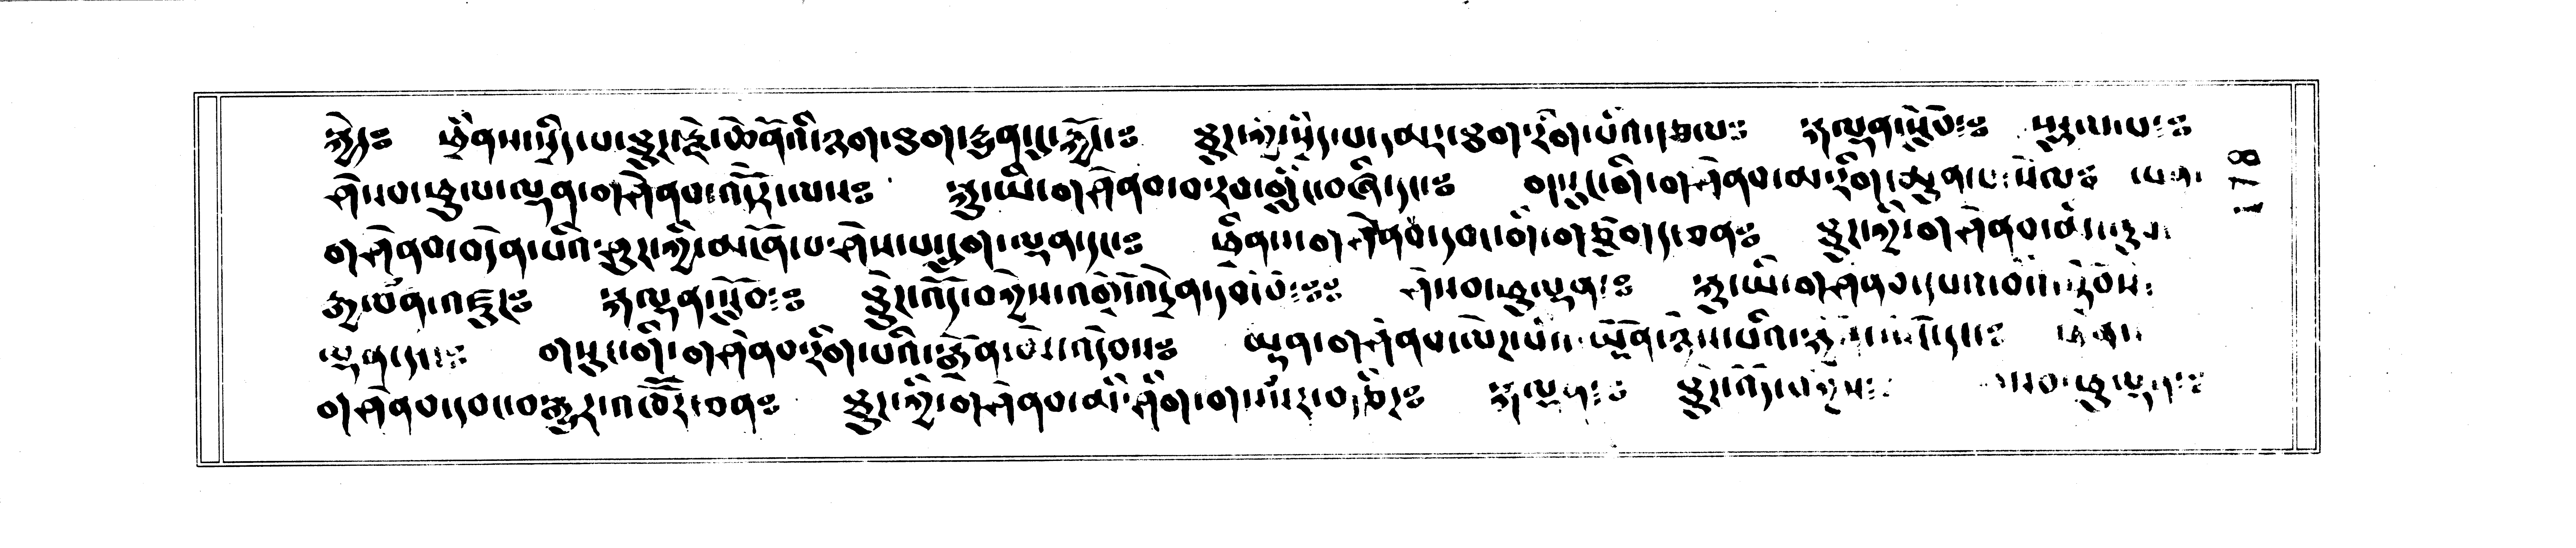བསྐྱེདཿ ཕྲིན་ལས་ཀྱི་སྲིད་པ་ཐུགས་རྗེ་ཆེན་པོས་ཉག་ཐག་རྒྱུན་དུ་སྐྱོངཿ ཐུགས་ཀྱི་སྲིད་པ་དམར་ཐག་རིག་པའི་རྩལཿ སྐལ་ལྡན་སློབ་མ་རྣམས་ལ་དབང་བསྐུར་བསཿ སྤྲུལ་པ་གཟི་བརྗིད་འགྲོ་འདྲེན་དབང་ཐོབ་ཤོགཿ 
ཤེས་རབ་ཕུལ་ལྡན་གཤེན་རབ་འོད་ཟེར་ལསཿ སྐུ་ཡི་གཤེན་རབ་བ་རབ་གླིང་གཞིཿ གསུང་གི་གཤེན་རབ་མ་རིག་གི་མུན་པ་སེལཿ ཡོན་ཏན་
གཤེན་རབ་བདེན་པའི་ཤུགས་ཀྱིས་མངོན་པར་ཤེས་པ་དྲུག་ལྡན་དངཿ ཕྲིན་ལས་ཀྱི་གཤེན་རབ་དབང་གི་གཙུག་ཕུད་ཅནཿ ཐུགས་ཀྱི་གཤེན་རབ་མི་ནུབ་པའི་
རྒྱལ་མཚན་འཛུགས སྐལ་ལྡན་སློབ་མ་རྣམས་ལ་དབང་བསྐུར་བསཿ ཐུགས་རྗེའི་འོད་བཀྱེས་འགྲོ་འདྲེན་དབང་ཐོབ་ཤོགཿ ཤེས་རབ་ཕུལ་ལྡན་གཤེན་རབ་འོད་ཟེར་ལསཿ སྐུ་ཡི་གཤེན་རབ་དཔའ་བའི་སྟོབས་
ལྡནཿ གསུང་གི་གཤེན་རབ་རིག་པའི་སྒྲོན་མེ་འདེགསཿ ཡོན་ཏན་གྱི་གཤེན་རབ་ལེགས་པའི་ཡོན་ཏན་གྱི་ཉེས་པའི་སྐྱོན་སྤོངཿ ཕྲིན་ལས་ཀྱི་
གཤེན་རབ་དབང་སྒྱུར་འཁོར་ལོ་ཅནཿ ཐུགས་ཀྱི་གཤེན་རབ་མི་ཤིགས་པའི་གསས་མཁར་བརྩེགསཿ སྐལ་ལྡན་སློབ་མ་རྣམས་ལ་དབང་བསྐུར་བསཿ ཐུགས་རྗེའི་འོད་བཀྱེས་འགྲོ་འདྲེན་དབང་ཐོབ་ཤོགཿ ཤེས་རབ་ཕུལ་ལྡན་གཤེན་རབ་འོད་ཟེར་ལསཿ